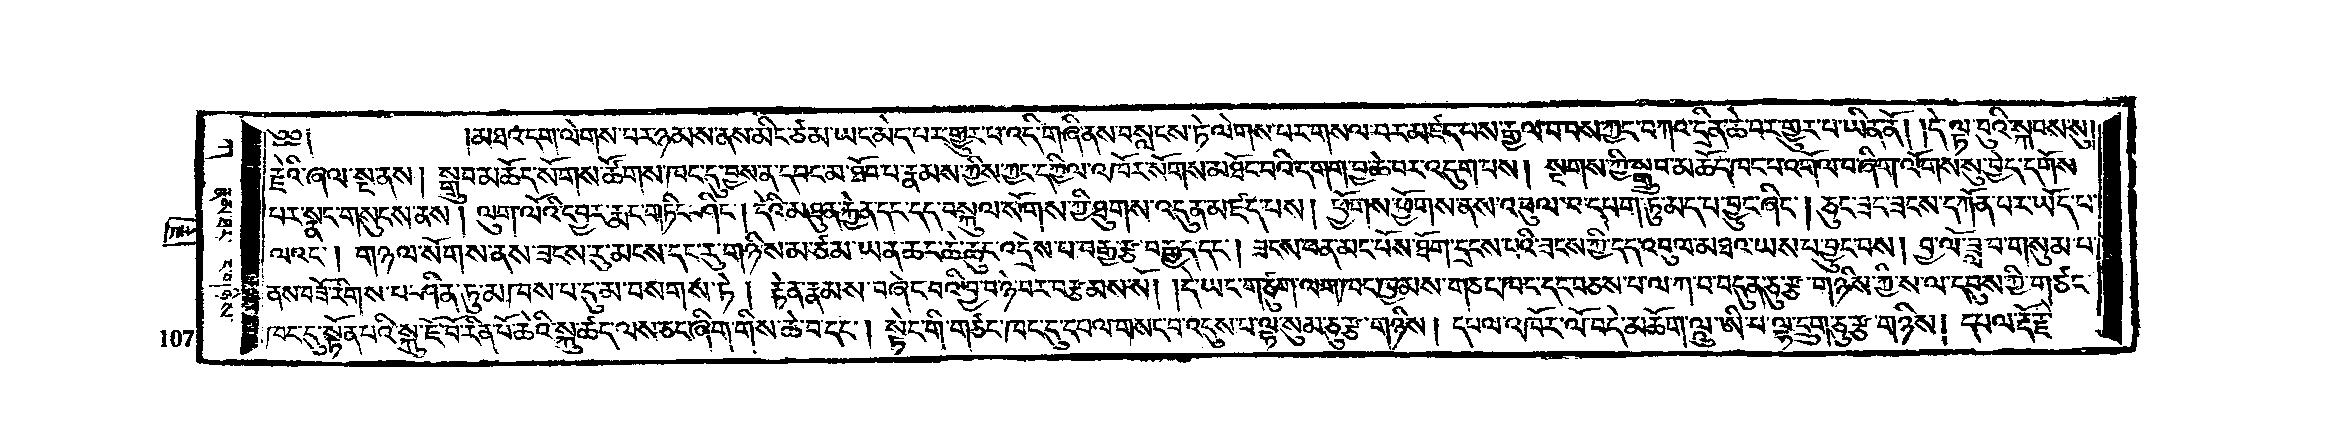༄༅། །མཐའ་དག་ལེགས་པར་ཉམས་ནས་མིང་ཙམ་ཡང་མེད་པར་གྱུར་པ་འདི་གཞི་ནས་བསླངས་ཏེ་ལེགས་པར་གསལ་བར་མཛད་པས་རྒྱལ་བ་བས་ཀྱང་བཀའ་དྲིན་ཆེ་བར་གྱུར་པ་ཡིན་ནོ། །དེ་ལྟ་བུའི་སྐབས་སུ་
རྗེའི་ཞལ་སྔ་ནས། སྒྲུབ་མཆོད་སོགས་ཚོགས་ཁང་དུ་བྱས་ན་དབང་མ་ཐོབ་པ་རྣམས་ཀྱིས་ཀྱང་དཀྱིལ་འཁོར་སོགས་མཐོང་བའི་དགག་བྱ་ཆེ་བར་འདུག་པས། སྔགས་ཀྱི་སྒྲུབ་མཆོད་ཁང་པ་འགོལ་བ་ཞིག་ལོགས་སུ་བྱེད་དགོས་
པར་སྣང་གསུངས་ནས། ལུག་ལོའི་དབྱར་རྨང་གཏིང་ཤིང་། དེའི་མཐུན་རྐྱེན་དང་དད་བསྐུལ་སོགས་ཀྱི་ཐུགས་འདུན་མཛད་པས། ཕྱོགས་ཕྱོགས་ནས་འཕུལ་བ་དཔག་ཏུ་མེད་པ་བྱུང་ཞིང་། ཅུང་ཟད་ཟངས་དཀོན་པར་ཡོད་པ་
ལའང་། གཉལ་སོགས་ནས་ཟངས་རུ་མངས་དང་རུ་གཉིས་མ་ཙམ་ཡན་ཆང་ཆེ་ཆུང་འདྲེས་པ་བརྒྱ་རྩ་བརྒྱད་དང་། ཟངས་ཕན་མང་པོས་ཐོག་དྲངས་པའི་ཟངས་ཀྱི་དད་འབུལ་མཐའ་ཡས་པ་བྱུང་བས། བྱ་ལོ་ཟླ་བ་གསུམ་པ་
ནས་བཟོ་རིགས་པ་ཤིན་ཏུ་མཁས་པ་དུ་མ་བསགས་ཏེ། རྟེན་རྣམས་བཞེད་བའི་བྱ་བ་ཉེ་བར་བརྩམས་སོ། །དེ་ཡང་གཙུག་ལག་ཁང་ཁྱམས་གཅང་ཁང་དང་བཅས་པ་ལ་ཀ་བ་བདུན་ཅུ་རྩ་གཉིས་ཀྱི་ས་ལ་དབུས་ཀྱི་གཙང་
ཁང་དུ་སྟོན་པའི་སྐུ་ཇོ་བོ་རིན་པོ་ཆེའི་སྐུ་ཚད་ལས་ཅང་ཞིག་གིས་ཆེ་བ་དང་། སྟེང་གི་གཙང་ཁང་དུ་དཔལ་གསང་བ་འདུས་པ་ལྷ་སུམ་ཅུ་རྩ་གཉིས། དཔལ་འཁོར་ལོ་བདེ་མཆོག་ལཱུ་ཨི་པ་ལྷ་དྲུག་ཅུ་རྩ་གཉིས། དཔལ་རྡོ་རྗེ་